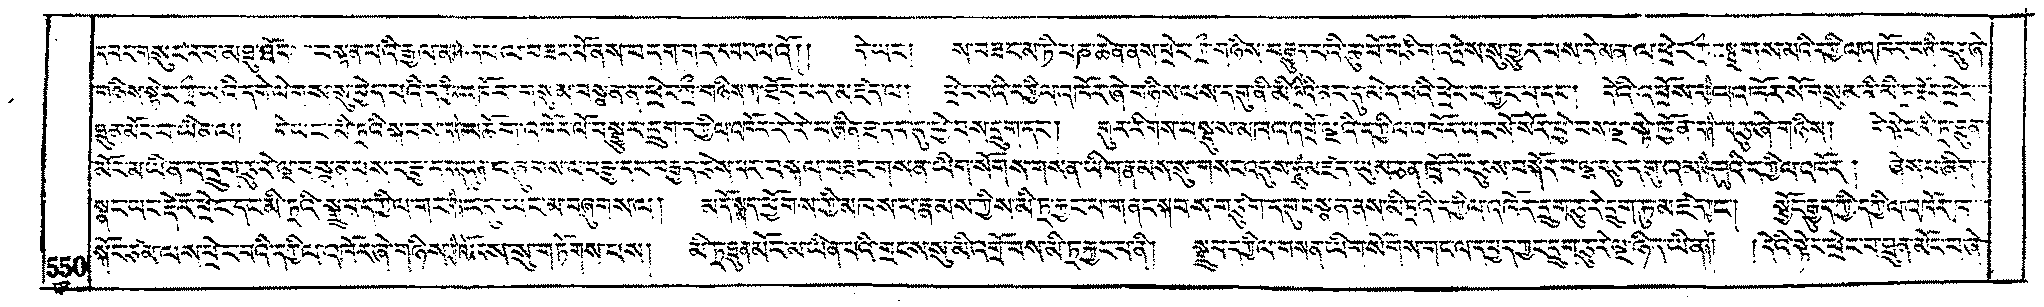དབང་གསུང་རབ་མཐུ་ཐོབ་བསྟན་པའི་རྒྱལ་མཚན་དཔལ་བཟང་པོ་ནས་བདག་གར་དབང་ལའོ།། དེ་ཡང་། ས་བཟང་མ་ཏི་པཎ་ཆེན་ནས་ཕྲེང་ཀྲྀ་གཉིས་བརྒྱུད་པའི་ཆུ་བོ་གཅིག་འདྲེས་སུ་གྱུར་པས་དེ་མན་ལ་ཕྲེང་ཀྲྀ་ཡ་སྤྲགས་མའི་དཀྱིལ་འཁོར་བཞི་བཅུ་ཞེ་
གཉིས་སྟེང་ཀྲྀ་ཡའི་དགེ་ལེགས་སུ་བྱེད་པའི་དཀྱིལ་འཁོར་གསུམ་བསྣན་ན་ཕྲེང་ཀྲྀ་གཉིས་ཀ་ཐོབ་པར་མཛད་ལ། ཕྲེང་བའི་དཀྱིལ་འཁོར་ཞེ་གཉིས་ལས་དགུ་ནི་མི་ཏྲིའི་ནང་དུ་མེད་པའི་ཕྲེང་བ་རྐྱང་པ་དང་། དེའི་འཕྲོས་དཀྱིལ་འཁོར་སོ་གསུམ་ནི་མི་ཏྲ་རྡོར་ཕྲེང་
ཐུན་མོང་བ་ཡིན་ལ། དེ་ཡང་མི་ཏྲའི་སྐབས་བདེ་མཆོག་འཁོར་ལོ་བསྒྱུར་དྲུག་དཀྱིལ་འཁོར་རེ་རེ་བཞིན་ཐ་དད་དུ་ཕྱེ་བས་དྲུག་དང་། གུར་རིགས་བསྡུས་མཁའ་འགྲོ་ལྔའི་དཀྱིལ་འཁོར་ཡང་སོ་སོར་ཕྱེ་བས་ལྔ་སྟེ་ཁྱོན་བཞི་བཅུ་ཞེ་གཉིས། དེ་སྟེང་མི་ཏྲ་ཐུན་
མོང་མ་ཡིན་པ་དྲུག་ཅུ་རེ་ལྔ་བ་སྣན་པས་བརྒྱ་དང་བདུན་བཞུགས་ལ་བརྒྱ་དང་བརྒྱད་ཅེས་པར་བསྐལ་བཟང་གསན་ཡིག་སོགས་གསན་ཡིག་རྣམས་སུ་གསང་འདུས་ཧཱུཾ་མཛད་ཡུམ་ཅན་ཁྲོ་བོ་བཅུས་བསྐོར་བ་ལྷ་བཅུ་དགུ་འམ་ཉི་ཤུའི་དཀྱིལ་འཁོར། ཞེས་པ་ཞིག་
སྣང་ཡང་རྡོར་ཕྲེང་དང་མི་ཏྲའི་སྒྲུབ་དཀྱིལ་གང་གི་ནང་དུ་ཡང་མ་བཞུགས་ལ། མདོ་སྨད་ཕྱོགས་ཀྱི་མཁས་པ་རྣམས་ཀྱིས་མི་ཏྲ་རྐྱང་པ་གནང་སྐབས་གཙུག་དགུ་བསྣན་ནས་མི་ཏྲའི་དཀྱིལ་འཁོར་དྲུག་ཅུ་རེ་དྲུག་ཏུ་མཛད་ཀྱང་། སྦྱོང་རྒྱུད་ཀྱི་དཀྱིལ་འཁོར་ཁ་
སྐོང་ཙམ་ལས་ཕྲེང་བའི་དཀྱིལ་འཁོར་ཞེ་གཉིས་ཀྱི་ཁོངས་སུ་གཏོགས་པས། མི་ཏྲ་ཐུན་མོང་མ་ཡིན་པའི་གྲངས་སུ་མི་འགྲོ་བས་མི་ཏྲ་རྐྱང་པ་ནི། སྒྲུབ་དཀྱིལ་གསན་ཡིག་སོགས་གང་ལ་དཔྱད་ཀྱང་དྲུག་ཅུ་རེ་ལྔ་ཉིད་ཡིན་ནོ། །དེའི་སྟེང་ཕྲེང་བ་ཐུན་མོང་བ་ཞེ་